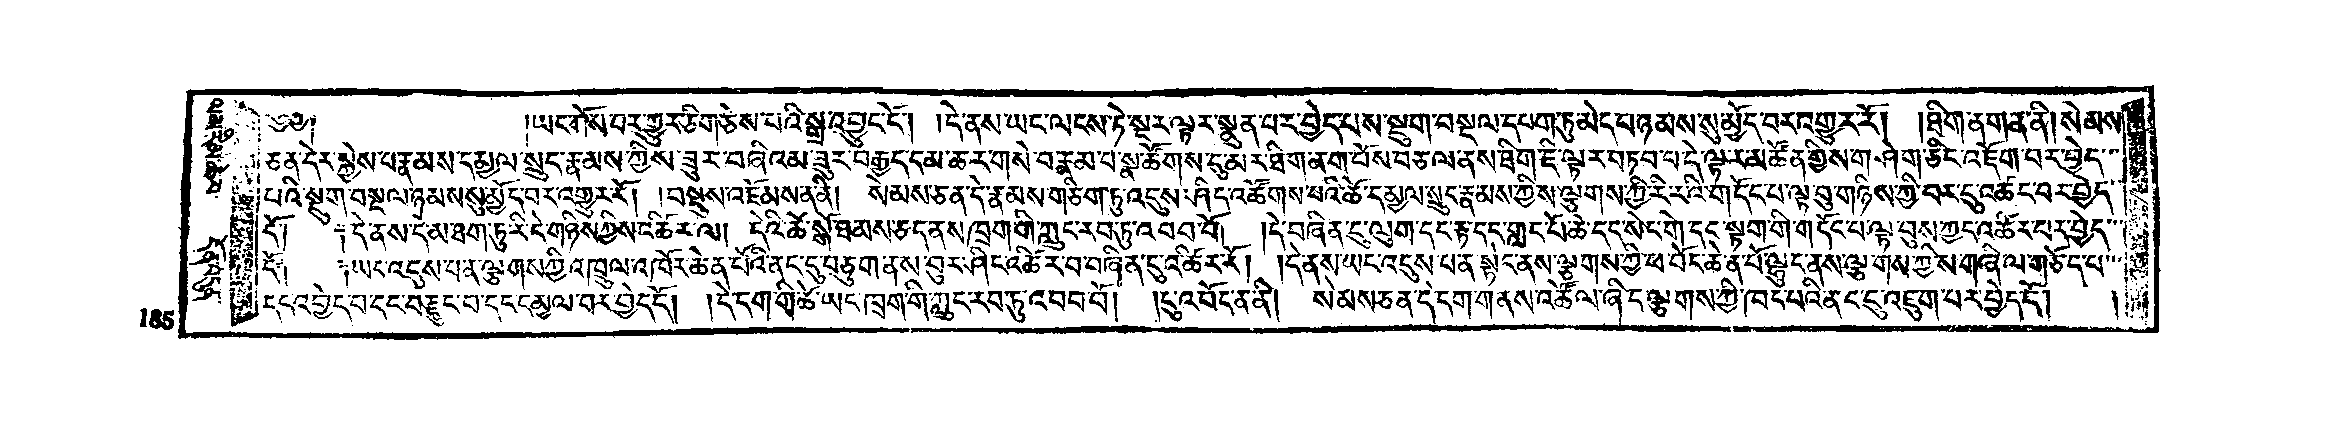༄༅། །ཡང་སོས་པར་གྱུར་ཅིག་ཅེས་པའི་སྒྲ་འབྱུང་ངོ། །དེ་ནས་ཡང་ལངས་ཏེ་སྔར་ལྟར་སྣུན་པར་བྱེད་པས་སྡུག་བསྔལ་དཔག་ཏུ་མེད་པ་ཉམས་སུ་མྱོང་བར་འགྱུར་རོ། །ཐིག་ནག་ན་ནི། སེམས་
ཅན་དེར་སྐྱེས་པ་རྣམས་དམྱལ་སྲུང་རྣམས་ཀྱིས་ཟུར་བཞིའམ་ཟུར་བརྒྱད་དམ་ཆར་གསེ་བ་རྣམ་པ་སྣ་ཚོགས་དུ་མར་ཐིག་ནག་པོས་བཅལ་ནས་ཐིག་ཇི་ལྟར་བཏབ་པ་དེ་ལྟར་མཚོན་གྱིས་གཤེག་ཅིང་འཇོག་པར་བྱེད་
པའི་སྡུག་བསྔལ་ཉམས་སུ་མྱོང་བར་འགྱུར་རོ། །བསྡུས་འཇོམས་ན་ནི། སེམས་ཅན་དེ་རྣམས་གཅིག་ཏུ་འདུས་ཤིང་འཚོགས་པའི་ཚེ་དམྱལ་སྲུང་རྣམས་ཀྱིས་ལྕགས་ཀྱི་རི་རའི་གདོང་པ་ལྟ་བུ་གཉིས་ཀྱི་བར་དུ་འཚང་བར་བྱེད་
དོ༑ ༑དེ་ནས་དེ་མ་ཐག་ཏུ་རི་དེ་གཉིས་ཀྱིས་འཚིར་ལ། དེའི་ཚེ་སྒོ་ཐམས་ཅད་ནས་ཁྲག་གི་ཀླུང་རབ་ཏུ་འབབ་བོ། །དེ་བཞིན་དུ་ལུག་དང་རྟ་དང་གླང་པོ་ཆེ་དང་སེང་གེ་དང་སྟག་གི་གདོང་པ་ལྟ་བུས་ཀྱང་འཚིར་བར་བྱེད་
དོ༑ ༑ཡང་འདུས་པ་ན་ལྕགས་ཀྱི་འཁྲུལ་འཁོར་ཆེན་པོའི་ནང་དུ་བཅུག་ནས་བུར་ཤིང་འཚིར་བ་བཞིན་དུ་འཚིར་རོ། །དེ་ནས་ཡང་འདུས་པ་ན་སྟེང་ནས་ལྕགས་ཀྱི་ཕ་བོང་ཆེན་པོ་ལྷུང་ནས་ལྕགས་ཀྱིས་གཞི་ལ་གཅོད་པ་
དང་འབྱེད་པ་དང་བརྡུང་བ་དང་དམྱལ་བར་བྱེད་དོ། །དེ་དག་གི་ཚེ་ཡང་ཁྲག་གི་ཀླུང་རབ་ཏུ་འབབ་བོ། །དུ་འབོད་ན་ནི། སེམས་ཅན་དེ་དག་གནས་འཚོལ་ཞིང་ལྕགས་ཀྱི་ཁང་བའི་ནང་དུ་འཇུག་པར་བྱེད་དོ། །